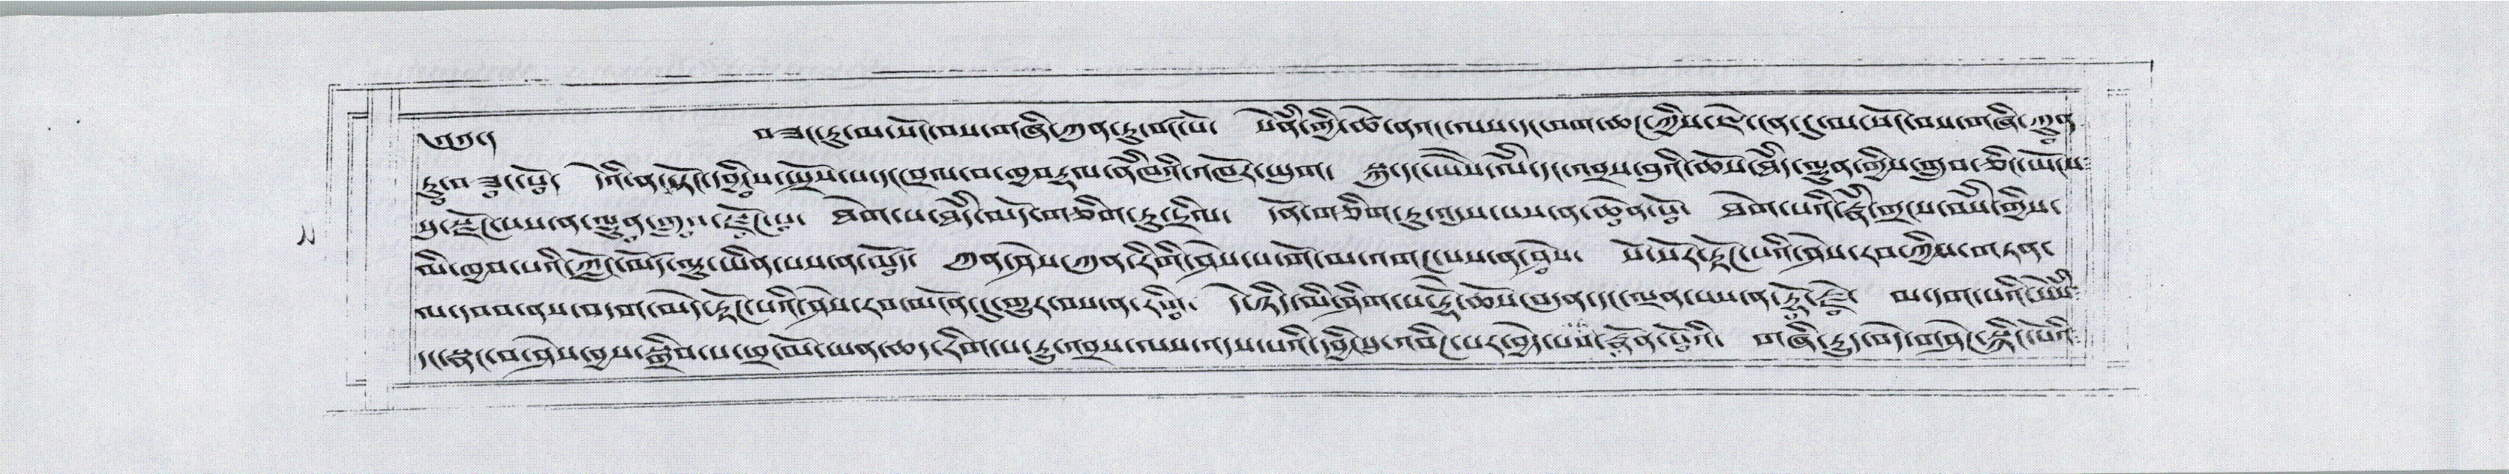བཟང་དུ་མ་སོང་བས་གཞི་ཀུན་ཏུ་བཟང་པོ། སེམས་ཅན་གྱི་ཚེ་ནའང་ལས་དང་བག་ཆགས་ཀྱིས་ཇེ་ངན་དུ་མ་སོང་བས་གཞི་ཀུན་
ཏུ་བཟང་པོ། དེས་ན་སྟོང་དབྱིངས་སྤྲོད་པ་དང་བྲལ་བ་ཁྱབ་བརྡལ་ནམ་མཁའི་ཁོར་ཡུག སྐུ་དང་ཡེ་ཤེས་ལམ་དང་འབྲས་བུའི་ཆོས་ཐམས་ཅད་ལྷུན་གྱིས་གྲུབ་ཅིང་ཡོངས་
སུ་རྫོགས་པས་ན་ལྷུན་གྲུབ་རྫོགས་པ། ཐེག་པ་ཐམས་ཅད་མདོ་གཅིག་ཏུ་དྲིལ། དོན་གཅིག་ཏུ་འདུས་པས་ན་ཆེན་པོ། ཐེག་པའི་རྣམ་གྲངས་བསམ་གྱིས་
མི་ཁྱབ་པའི་ཀློང་མཛོད་ལྟ་བུ་ཡིན་པས་ན་མཛོད། ཀུན་ཤེས་ཀུན་རིག་གི་ཤེས་པ་གོ་མ་འགག་པས་ན་ཤེས། སོ་སོར་རྟོག་པའི་ཤེས་རབ་ཀྱིས་གཏན་
ལ་དབབ་ནས་བདག་མེད་རྟོགས་པའི་ཤེས་རབ་མངོན་དུ་གྱུར་པས་ན་རིག དེ་ཉིད་མི་ཤིག་པ་རྡོ་རྗེའི་ཆོས་བདུན་དང་ལྡན་པས་ན་རྡོ་རྗེ། མ་དག་པའི་སེམས་
དང་སྣང་བ་ཤེས་བྱས་སྒྲིབ་པ་ཕྲ་མོ་ཡན་ཆད་རིག་པ་རྒྱུ་འབྲས་ལས་འདས་པའི་དབྱིངས་སུ་འབིགས་པར་བྱེད་པས་རྣོན་པོའོ། གཞི་རྒྱུད་བདེར་གཤེགས་སྙིང་པོའི་